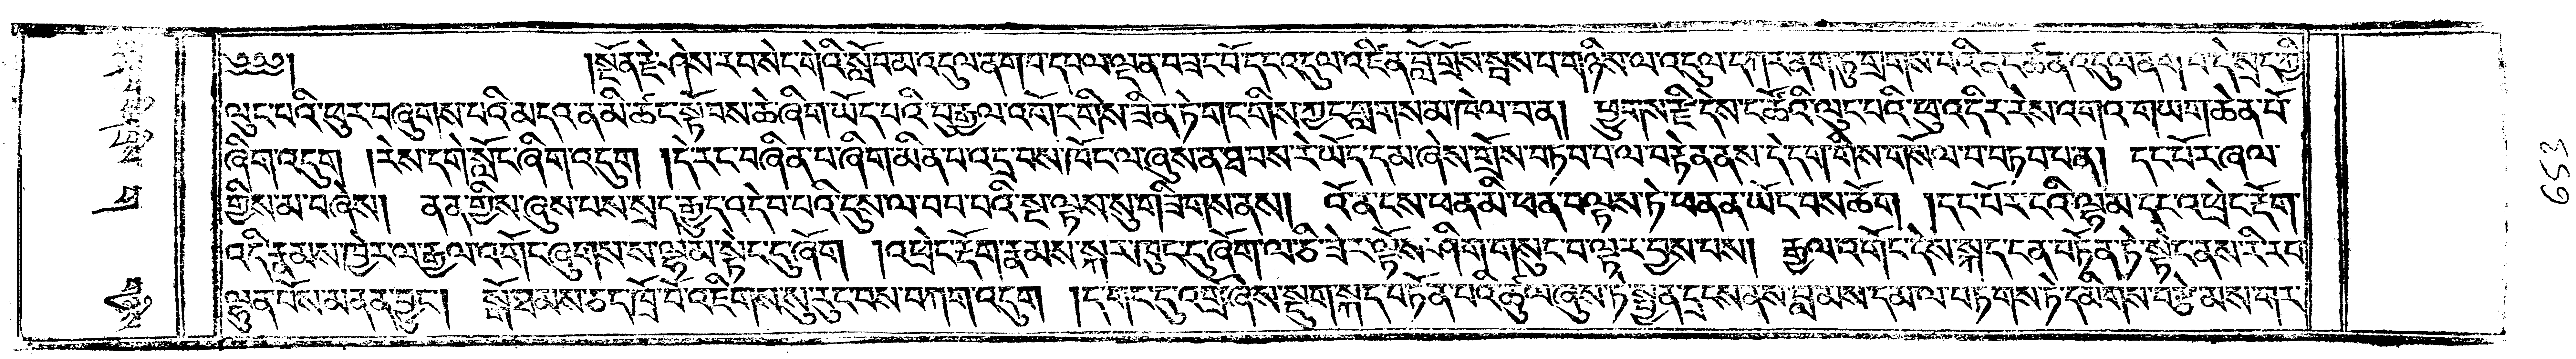༄༅༅། །སྔོན་རྗེ་ཤེས་རབ་སེང་གེའི་སློབ་མ་འདུལ་ནག་པ་དཔལ་ལྡན་བཟང་པོ་དང་འདུལ་འཛིན་བློ་གྲོས་སྦས་པ་གཉིས་ལ་འདུལ་དཀར་ནག་ཏུ་གྲགས་པའི་ནང་ཚན་འདུལ་ནག་པ་དེ་སྲང་ཀྱི་
ལུང་བའི་ཕུར་བཞུགས་པའི་མངའ་ན་མི་ཚང་སྟོབས་ཆེ་ཞིག་ཡོད་པའི་བུ་རྒྱལ་འགོང་གིས་ཟིན་ཏེ་གང་གིས་ཀྱང་བླགས་མ་ཁེལ་བ་ན། ཕྱུགས་རྫི་དེ་སྔ་ཚོའི་ལུང་པའི་ཕུ་འདིར་རེས་འགའ་གཡག་ཆེན་པོ་
ཞིག་འདུག །རེས་དགེ་སློང་ཞིག་འདུག །དེ་རང་བཞིན་བ་ཞིག་མིན་པ་འདྲ་པས་ཁོང་ལ་ཞུས་ན་ཐབས་རེ་ཡོད་དམ་ཞེས་གྲོས་བཏབ་པ་ལ་བརྟེན་ནས་དེ་དག་གིས་གསོལ་བ་བཏབ་པ་ན། དང་པོར་ཞལ་
གྱིས་མ་བཞེས། ནན་གྱིས་ཞུས་པས་སྲད་རྒྱུད་འདེབ་པའི་དུས་ལ་བབ་པའི་སྔ་ལྟས་སུ་གཟིགས་ནས། འོ་ན་ངས་ཕན་མི་ཕན་བལྟས་ཏེ་ཕན་ན་ཡོང་བས་ཆོག །དང་པོར་ངའི་ལྷམ་དང་འཕྲེང་རྡོག་
འདི་རྣམས་ཁྱེར་ལ་རྒྱལ་འགོང་ཞུགས་ས་ལྷ་མ་སྟེང་དུ་ཞོག །འཕྲེང་རྡོག་རྣམས་སྐར་ཁུང་དུ་ཞོག་ལ་ཅི་ཟེར་ལྟོས་ཤིག་གསུང་བ་ལྟར་བྱས་པས། རྒྱལ་འགོང་དེས་སྐད་ངན་བཏོན་ཏེ་སྟེང་ནས་རི་རབ་
ལྷུན་པོས་མནན་བྱུང་། སྒོ་ཐམས་ཅད་ཁྲོ་བོ་འཇིགས་སུ་རུང་བས་བཀག་འདུག །ད་གང་དུ་འགྲོ་ཞེས་སྡུག་སྐད་བཏོན་པའི་ཚུལ་ཞུས་ཏེ་སྤྱན་དྲངས་ནས་བླ་མས་དམ་ལ་བཏགས་ཏེ་དམིགས་བརྩེམས་གར་